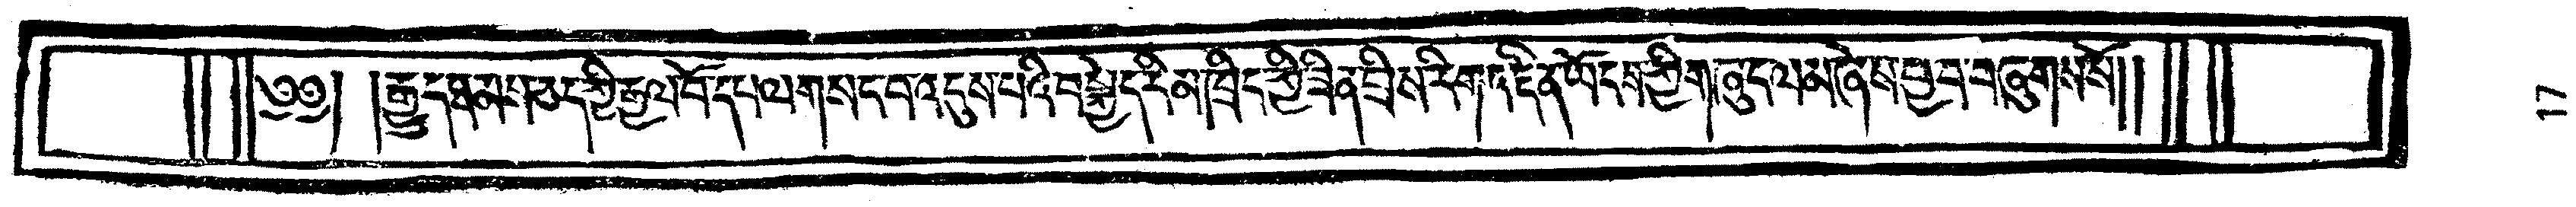༄༅། །རྒྱུད་ཐམས་ཅད་ཀྱི་རྒྱལ་པོ་དཔལ་གསང་བ་འདུས་པའི་བསྐྱེད་རིམ་ཁྲིད་ཀྱི་ཟིན་བྲིས་རིག་འཛིན་ཡོངས་ཀྱི་གཞུང་ལམ་ཞེས་བྱ་བ་བཞུགས་སོ།།